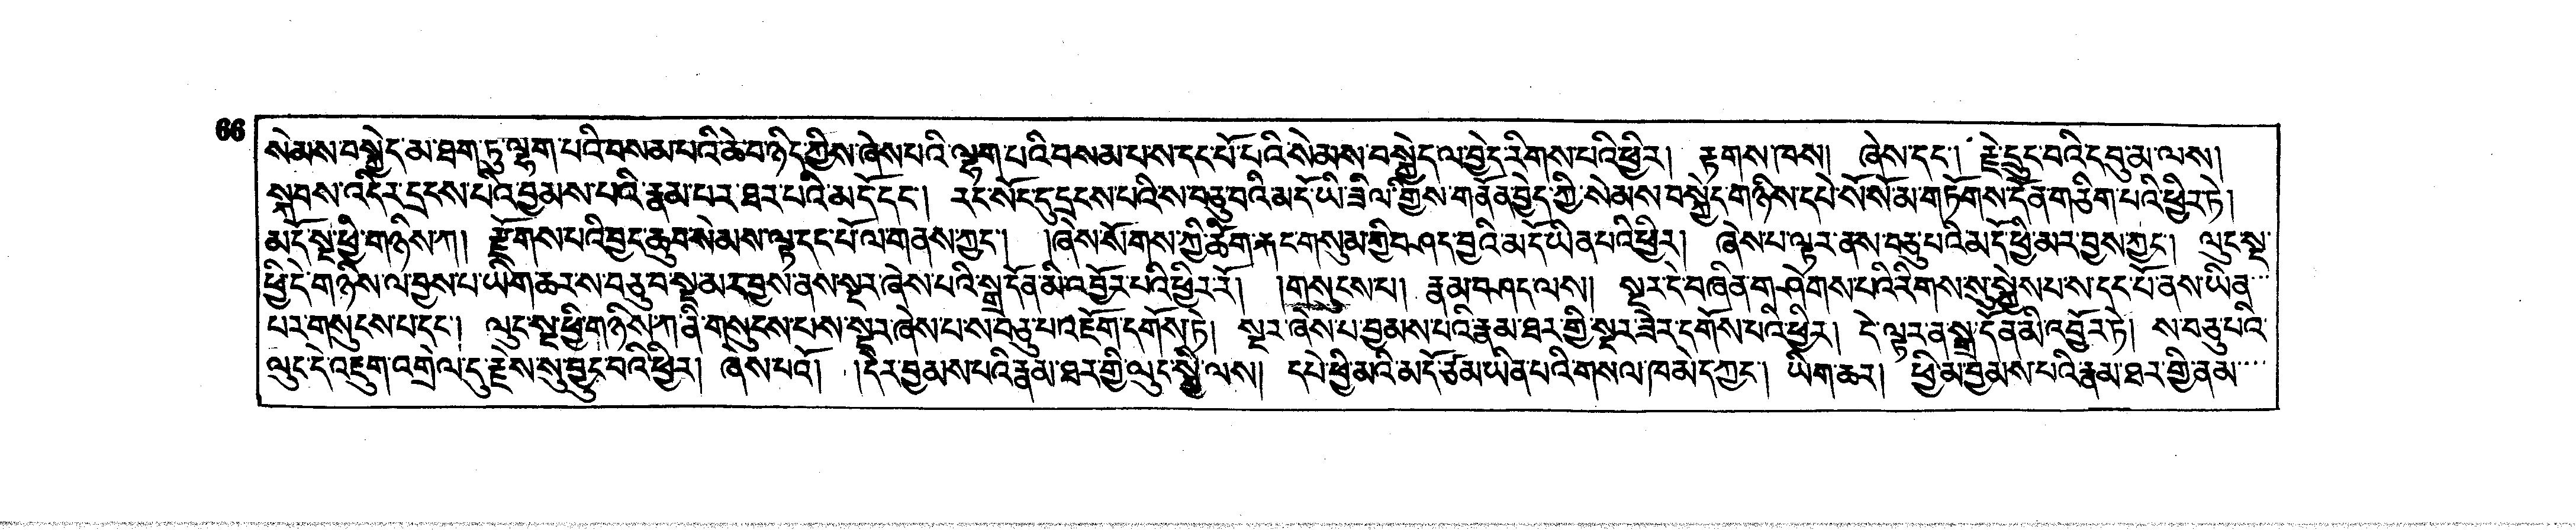སེམས་བསྐྱེད་མ་ཐག་ཏུ་ལྷག་པའི་བསམ་པའི་ཆེ་བ་ཉིད་ཀྱིས་ཞེས་པའི་ལྷག་པའི་བསམ་པ་ས་དང་པོ་བའི་སེམས་བསྐྱེད་ལ་བྱེད་རིགས་པའི་ཕྱིར། རྟགས་ཁས། ཞེས་དང་། རྗེ་དྲུང་བའི་དབུ་མ་ལས།
སྐབས་འདིར་དྲངས་པའི་བྱམས་པའི་རྣམ་པར་ཐར་པའི་མདོ་དང་། རང་སོང་དུ་དྲངས་པའི་ས་བཅུ་བའི་མདོ་ཡི་ཟིལ་གྱིས་གནོན་བྱེད་ཀྱི་སེམས་བསྐྱེད་གཉིས་དཔེ་སོ་སོ་མ་གཏོགས་དོན་གཅིག་པའི་ཕྱིར་ཏེ།
མདོ་སྔ་ཕྱི་གཉིས་ཀ། རྫོགས་པའི་བྱང་ཆུབ་སེམས་ལྟ་དང་པོ་ལ་གནས་ཀྱང་། །ཞེས་སོགས་ཀྱི་ཚིག་རྐང་གསུམ་གྱི་བཤད་བྱའི་མདོ་ཡིན་པའི་ཕྱིར། ཞེས་པ་ལྟར་ན་ས་བཅུ་པའི་མདོ་ཕྱི་མར་བྱས་ཀྱང་། ལུང་སྔ་
ཕྱི་དེ་གཉིས་ལ་བྱས་པ་ཡིག་ཆར་ས་བཅུ་བ་སྔ་མར་བྱས་ནས་སྔར་ཞེས་པའི་སྒྲ་དོན་མི་འབྱོར་པའི་ཕྱིར་རོ། །གསུངས་པ། རྣམ་བཤད་ལས། སྔར་དེ་བཞིན་གཤེགས་པའི་རིགས་སུ་སྐྱེས་པ་ས་དང་པོ་ནས་ཡིན་
པར་གསུངས་པ་དང་། ལུང་སྔ་ཕྱི་གཉིས་ཀ་ནི་གསུངས་པས་སྔར་ཞེས་པ་ས་བཅུ་པ་འཇོག་དགོས་ཏེ། སྔར་ཞེས་པ་བྱམས་པའི་རྣམ་ཐར་གྱི་སྔར་ཟེར་དགོས་པའི་ཕྱིར། དེ་ལྟར་ན་སྒྲ་དོན་མི་འབྱོར་ཏེ། ས་བཅུ་པའི་
ལུང་དེ་འཇུག་འགྲེལ་དུ་རྗེས་སུ་བྱུང་བའི་ཕྱིར། ཞེས་པའོ། །དེར་བྱམས་པའི་རྣམ་ཐར་གྱི་ལུང་སྤྱི་ལས། དཔེ་ཕྱི་མའི་མདོ་ཙམ་ཡིན་པའི་གསལ་ཁ་མེད་ཀྱང་། ཡིག་ཆར། ཕྱི་མ་བྱམས་པའི་རྣམ་ཐར་གྱི་ནམ་